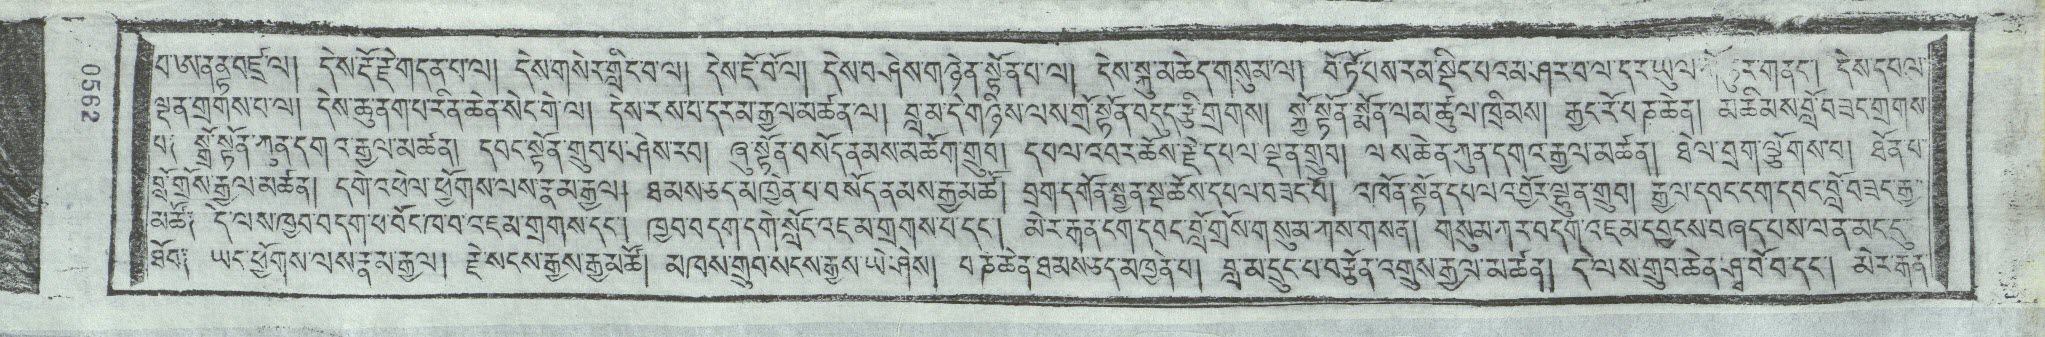པ་ཨ་ན་ནྟ་བཛྲ་ལ། དེས་རྡོ་རྗེ་གདན་པ་ལ། དེས་གསེར་གླིང་བ་ལ། དེས་ཇོ་བོ་ལ། དེས་བཤེས་གཉེན་སྟོན་པ་ལ། དེས་སྐུ་མཆེད་གསུམ་ལ། བོ་ཏོ་པས་རམ་སྡིང་པའམ་ཤར་པ་ལ་དར་ཡུལ་ཀོ་ཏུར་གནང་། དེས་དཔལ་
ལྡན་གྲགས་པ་ལ། དེས་ཆུ་ནག་པ་རིན་ཆེན་སེང་གེ་ལ། དེས་རས་པ་དར་མ་རྒྱལ་མཚན་ལ། བླ་མ་དེ་གཉིས་ལས་གྲོ་སྟོན་བདུད་རྩི་གྲགས། སྐྱོ་སྟོན་སྨོན་ལམ་ཚུལ་ཁྲིམས། རྒྱད་རོ་པཎ་ཆེན། མཆིམས་བློ་བཟང་གྲགས་
པ༑ སྒྲོ་སྟོན་ཀུན་དགའ་རྒྱལ་མཚན། དབང་སྟོན་གྲུབ་པ་ཤེས་རབ། ཞུ་སྟོན་བསོད་ནམས་མཆོག་གྲུབ། དཔལ་འབར་ཆོས་རྗེ་དཔལ་ལྡན་གྲུབ། ལས་ཆེན་ཀུན་དགའ་རྒྱལ་མཚན། ཐེལ་བྲག་ལྕོགས་པ། ཐོན་པ་
བློ་གྲོས་རྒྱལ་མཚན། དགེ་འཕེལ་ཕྱོགས་ལས་རྣམ་རྒྱལ། ཐམས་ཅད་མཁྱེན་པ་བསོད་ནམས་རྒྱ་མཚོ། བྲག་དགོན་སྤྱན་སྔ་ཆོས་དཔལ་བཟང་པོ། འཁོན་སྟོན་དཔལ་འབྱོར་ལྷུན་གྲུབ། རྒྱལ་དབང་ངག་དབང་བློ་བཟང་རྒྱ་
མཚོ༑ དེ་ལས་ཁྱབ་བདག་ཕ་བོང་ཁབ་འཇམ་གྲགས་དང་། ཁྱབ་བདག་དགེ་སློང་འཇམ་གྲགས་པ་དང་། མེ་ར་རྒན་ངག་དབང་བློ་གྲོས་གསུམ་ཀས་གསན། གསུམ་ཀར་བདག་འཇམ་དབྱངས་བཞད་པས་ལན་མང་དུ་
ཐོབ༑ ཡང་ཕྱོགས་ལས་རྣམ་རྒྱལ། རྗེ་སངས་རྒྱས་རྒྱ་མཚོ། མཁས་གྲུབ་སངས་རྒྱས་ཡེ་ཤེས། པཎ་ཆེན་ཐམས་ཅད་མཁྱེན་པ། བླ་མ་དྲུང་པ་བརྩོན་འགྲུས་རྒྱལ་མཚན། དེ་ལས་གྲུབ་ཆེན་ཤྭ་བོ་བ་དང་། མེར་རྒན་